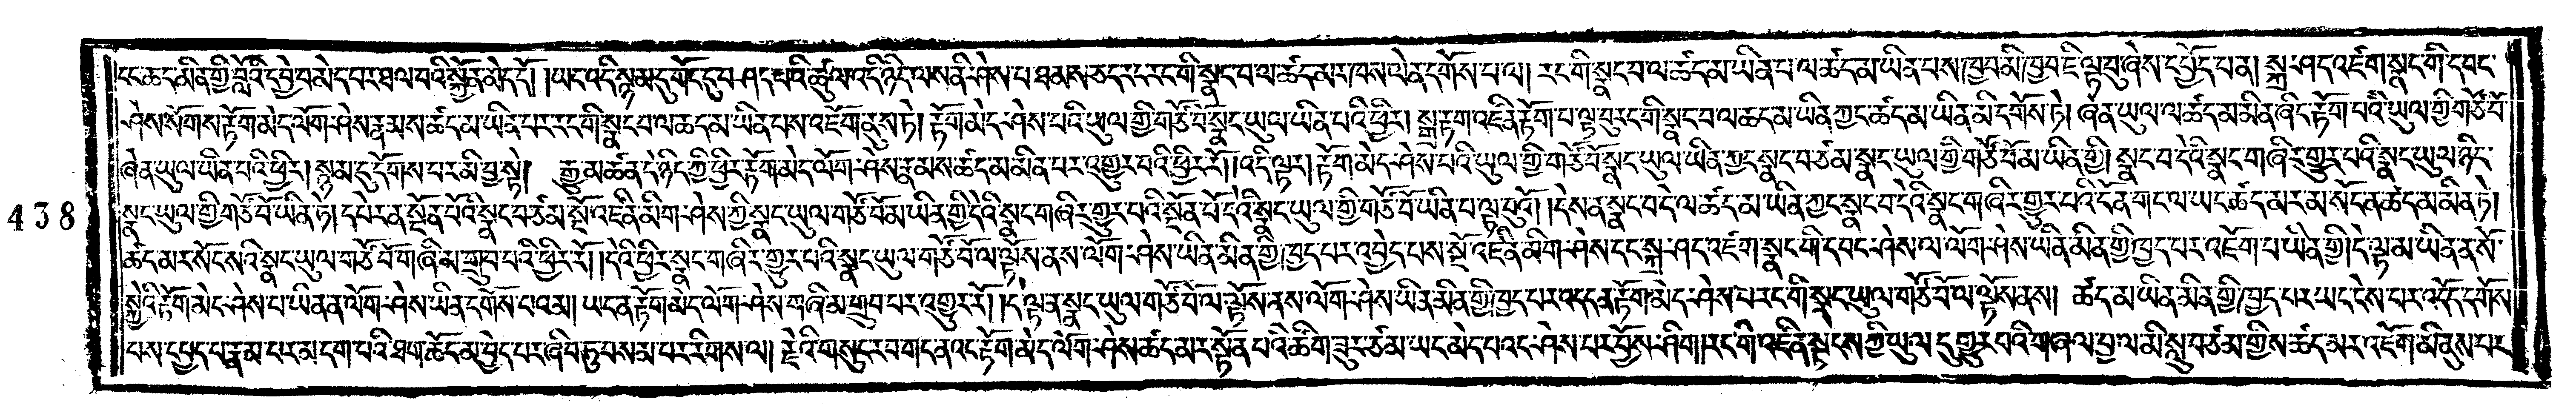དང་ཆད་མིན་གྱི་བློའི་དབྱེ་བ་མེད་པར་ཐལ་བའི་སྐྱོན་མེད་དོ། །ཡང་འདི་སྙམ་དུ་གོང་དུ་བཤད་པའི་ཚུལ་འདི་ཉིད་ལས་ནི་ཤེས་བ་ཐམས་ཅད་རང་རང་གི་སྣང་བ་ལ་ཚད་མར་ཁས་ལེན་དགོས་པ་ལ། རང་གི་སྣང་བ་ལ་ཚད་མ་ཡིན་པ་ལ་ཚད་མ་ཡིན་པས་ཁྱབ་མི་ཁྱབ་ཇི་ལྟ་བུ་ཞེས་དཔྱོད་པ་ན། སྐྲ་ཤད་འཛག་སྣང་གི་དབང་
ཤེས་སོགས་རྟོག་མེད་ལོག་ཤེས་རྣམས་ཚད་མ་ཡིན་པར་རང་གི་སྣང་བ་ལ་ཆད་མ་ཡིན་པས་འཇོག་ནུས་ཏེ། རྟོག་མེད་ཤེས་པའི་ཡུལ་གྱི་གཙོ་བོ་སྡང་ཡུལ་ཡིན་པའི་ཕྱིར། སྒྲ་རྟག་འཛིན་རྟོག་པ་ལྟ་བུ་རང་གི་སྣང་བ་ལ་ཚད་མ་ཡིན་ཀྱང་ཚད་མ་ཡིན་མི་དགོས་ཏེ། ཞེན་ཡུལ་ལ་ཚད་མ་མིན་ཞིང་རྟོག་བའི་ཡུལ་གྱི་གཙོ་བོ་
ཞེན་ཡུལ་ཡིན་པའི་ཕྱིར། སྙམ་དུ་དོགས་པར་མི་བྱ་སྟེ། རྒྱུ་མཚན་དེ་ཉིད་ཀྱི་ཕྱིར་རྟོག་མེད་ལོག་ཤེས་རྣམས་ཚད་མ་མིན་པར་འགྱུར་བའི་ཕྱིར་རོ། །འདི་ལྟར། རྟོག་མེད་ཤེས་པའི་ཡུལ་གྱི་གཙོ་བོ་སྣང་ཡུལ་ཡིན་ཀྱང་སྣང་བ་ཙམ་སྣང་ཡུལ་གྱི་གཙོ་བོ་མ་ཡིན་གྱི། སྣང་བ་དེའི་སྣང་གཞིར་གྱུར་བའི་སྣང་ཡུལ་ཉིད་
སྣང་ཡུལ་གྱི་གཙོ་བོ་ཡིན་ཏེ། དཔེར་ན་སྔོན་པོའི་སྣང་བ་ཙམ་སྔོ་འཛིན་མིག་ཤེས་ཀྱི་སྣང་ཡུལ་གཙོ་བོ་མ་ཡིན་གྱི་དེའི་སྣང་གཞིར་གྱུར་བའི་སྔོན་པོ་དེའི་སྣང་ཡུལ་གྱི་གཙོ་བོ་ཡིན་པ་ལྟ་བུའོ། །དེས་ན་སྣང་བ་དེ་ལ་ཚད་མ་ཡིན་ཀྱང་སྣང་བ་དེའི་སྣང་གཞིར་གྱུར་པའི་དོན་གང་ལ་ཡང་ཚད་མར་མ་སོང་ན་ཚད་མ་མིན་ཏེ།
ཚད་མར་སོང་སའི་སྣང་ཡུལ་གཙོ་བོ་གཞི་མ་གྲུབ་པའི་ཕྱིར་རོ། །དེའི་ཕྱིར་སྣང་གཞིར་གྱུར་པའི་སྣང་ཡུལ་གཙོ་བོ་ལ་ལྟོས་ནས་ལོག་ཤེས་ཡིན་མིན་གྱི་ཁྱད་པར་འབྱེད་པས་སྔོ་འཛིན་མིག་ཤེས་དང་སྐྲ་ཤད་འཛག་སྣང་གི་དབང་ཤེས་ལ་ལོག་ཤེས་ཡིན་མིན་གྱི་ཁྱད་པར་འཇོག་པ་ཡིན་གྱི། དེ་ལྟ་མ་ཡིན་ན་སོ་
སྐྱེའི་རྟོག་མེད་ཤེས་པ་ཡིན་ན་ལོག་ཤེས་ཡིན་དགོས་བའམ། ཡང་ན་རྟོག་མེད་ལོག་ཤེས་གཞི་མ་གྲུབ་པར་འགྱུར་རོ། །དེ་ལྟ་ན་སྣང་ཡུལ་གཙོ་བོ་ལ་ལྟོས་ནས་ལོག་ཤེས་ཡིན་མིན་གྱི་ཁྱད་པར་འདད་ན་རྟོག་མེད་ཤེས་བ་རང་གི་སྣང་ཡུལ་གཙོ་བོ་ལ་ལྟོས་ནས། ཚད་མ་ཡིན་མིན་གྱི་ཁྱད་པར་ཡང་ངེས་པར་འདོད་དགོས་
བས་དཔྱད་པ་རྣམ་པར་མ་དག་བའི་ཐག་ཆོད་མ་བྱེད་པར་ཞིབ་ཏུ་བསམ་པར་རིགས་ལ། རྗེའི་གསུང་རབ་གང་ནའང་རྟོག་མེད་ལོག་ཤེས་ཚད་མར་སྟོན་པའི་ཚིག་ཟུར་ཙམ་ཡང་མེད་པའང་ཤེས་པར་བྱོས་ཤིག། རང་གི་འཛིན་སྟངས་ཀྱི་ཡུལ་དུ་གྱུར་བའི་གཞལ་བྱ་ལ་མི་སླུ་བ་ཙམ་གྱིས་ཚད་མར་འཇོག་མི་ནུས་པར་